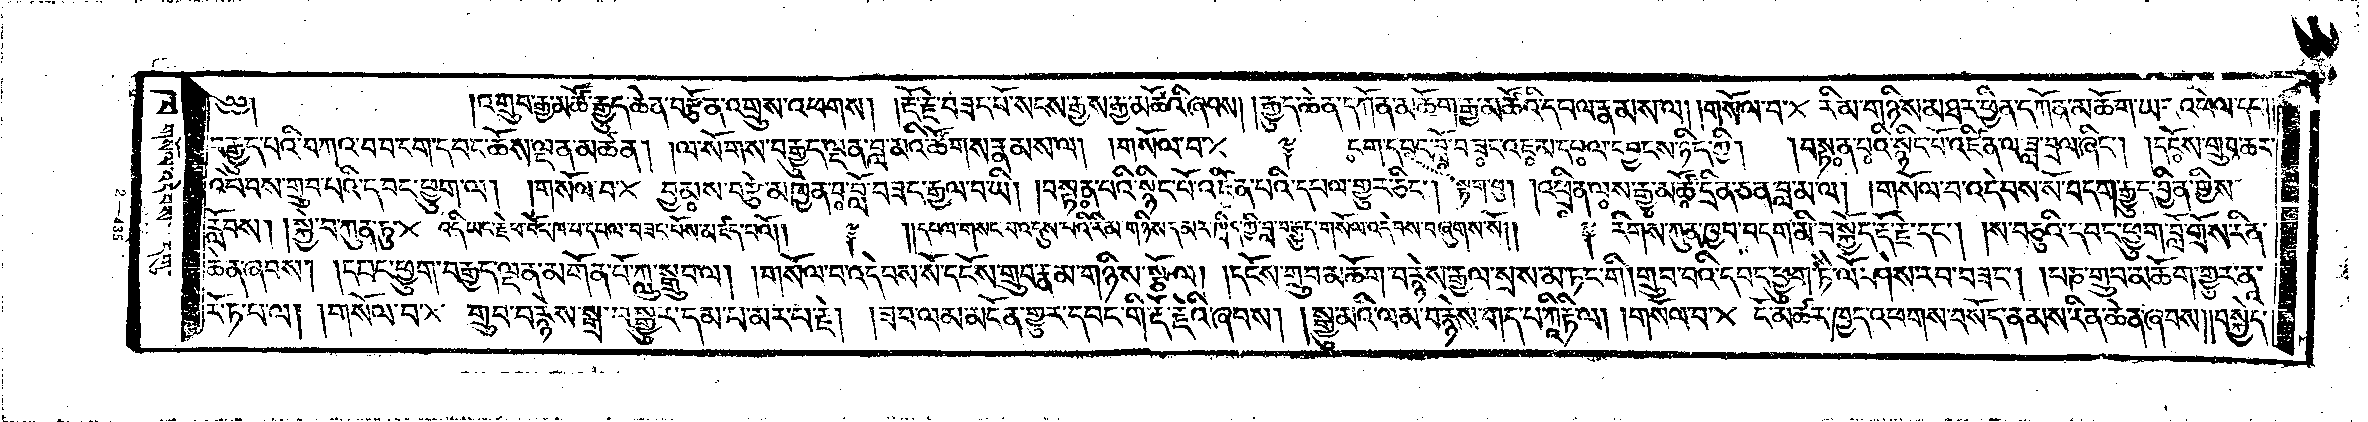༄༅། །འགྲུབ་རྒྱ་མཚོ་རྒྱུད་ཆེན་བརྩོན་འགྲུས་འཕགས། །རྡོ་རྗེ་བཟང་པོ་སངས་རྒྱས་རྒྱ་མཚོའི་ཞབས། །རྒྱུད་ཆེན་དཀོན་མཆོག་རྒྱ་མཚོའི་དཔལ་རྣམས་ལ། །གསོལ་བ་྾་རིམ་གཉིས་མཐར་ཕྱིན་དཀོན་མཆོག་ཡར་འཕེལ་དང་།
བརྒྱུད་པའི་བཀའ་བ་བ་ངག་དབང་ཆོས་ལྡན་མཚན། །ལ་སོགས་བརྒྱུད་ལྡན་བླ་མའི་ཚོགས་རྣམས་ལ། །གསོལ་བ་྾་༈ ངག྾་དབང་བློ་བཟང་འཇམ་དཔལ་དབྱངས་ཉིད་ཀྱི། །བསྟན་པའི་སྙིང་པོ་འཛིན་ལ་ཟླ་བྲལ་ཞིང་། །དངོས་གྲུབ་ཆར་
འབེབས་གྲུབ་པའི་དབང་ཕྱུག་ལ། །གསོལ་བ་྾་བྱམས་བརྩེ་མཁྱེན་བ་བློ་བཟང་རྒྱལ་བ་ཡི། །བསྟན་པའི་སྙིང་པོ་འཛིན་པའི་དཔལ་གྱུར་ཅིང་། སྟག་ཕུ།  །འཕྲིན་ལས་རྒྱ་མཚོ་དྲིན་ཅན་བླ་མ་ལ། །གསོལ་བ་འདེབས་སོ་བདག་རྒྱུད་བྱིན་གྱིས་
རློབས། །སྐྱེ་བ་ཀུན་ཏུ་྾་འདི་ཡང་རྗེ་ཕ་བོང་ཁ་བ་དཔལ་བཟང་པོས་མཛད་བའོ།།༈ །།དཔལ་གསང་བ་འདུས་པའི་རིམ་གཉིས་དམར་ཁྲིད་ཀྱི་བླ་བརྒྱུད་གསོལ་འདེབས་བཞུགས་སོ།།  ༈ རིགས་ཀུན་ཁྱབ་བདག་མི་བསྐྱོད་རྡོ་རྗེ་དང་། །ས་བཅུའི་དབང་ཕྱུག་བློ་གྲོས་རིན་
ཆེན་ཞབས། །དབང་ཕྱུག་བརྒྱུད་ལྡན་མགོན་པོ་ཀླུ་སྒྲུབ་ལ། །གསོལ་བ་འདེབས་སོ་དངོས་གྲུབ་རྣམ་གཉིས་སྩོལ། །དངོས་གྲུབ་མཆོག་བརྙེས་རྒྱལ་མ་ཏང་གི། གྲུབ་བའི་དབང་ཕྱུག་ཏཻ་ལོ་ཤེས་རབ་བཟང་། །པཎ་གྲུབ་མཆོག་གྱུར་ནཱ་
རོ་ཏ་པ་ལ། །གསོལ་བ་྾་གྲུབ་བརྙེས་སྒྲ་བསྒྱུར་དམ་པ་མར་པ་རྗེ། །ཟབ་ལམ་མངོན་གྱུར་དབང་གི་རྡོ་རྗེའི་ཞབས། །སྒྱུ་མའི་ལམ་བརྙེས་གད་པ་ཀཱིརྟི་ལ། །གསོལ་བ་྾་ངོ་མཚར་ཁྱད་འཕགས་བསོད་ནམས་རིན་ཆེན་ཞབས། །བསྐྱེད་